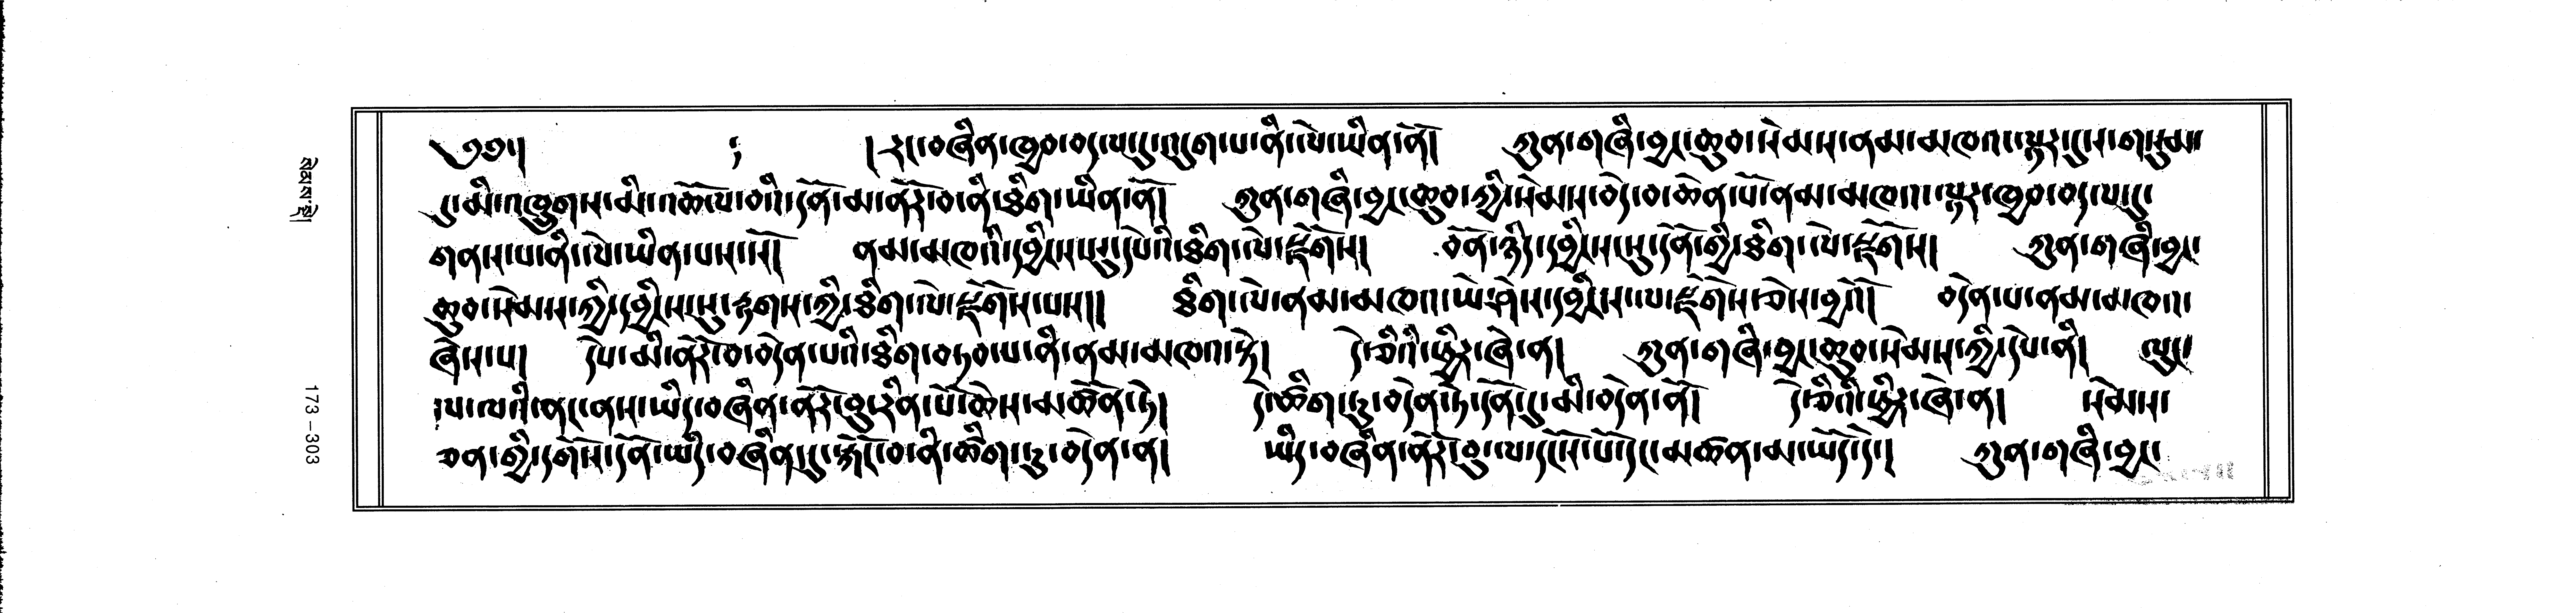རང་བཞིན་ཁྱབ་བདལ་དུ་འདུག་པ་ནི་ལེ་ཡིན་ནོ། །ཀུན་གཞི་བྱང་ཆུབ་སེམས་ནམ་མཁའ་ལྟར་དུས་གསུམ་
དུ་མི་འཁྲུག་མི་འཆོལ་བའི་དོན་མ་ནོར་བ་ནི་ཐིག་ཡིན་ལ། ཀུན་གཞི་བྱང་ཆུབ་སེམས་བདེ་བ་ཆེན་པོ་ནམ་མཁའ་ལྟར་ཁྱབ་བདལ་དུ་
གནས་པ་ནི་ལེ་ཡིན་པས་སོ། །ནམ་མཁའི་དབྱིངས་སུ་དཔེའི་ཐིག་ལེ་རྫོགས། བོན་ཉིད་དབྱིངས་སུ་དོན་གྱི་ཐིག་ལེ་རྫོགས། ཀུན་གཞི་བྱང་
ཆུབ་སེམས་ཀྱི་དབྱིངས་སུ་རྟགས་ཀྱི་ཐིག་ལེ་རྫོགས་པས། ཐིག་ལེ་ནམ་མཁའ་ཡེ་ཤེས་དབྱིངས་ལ་རྫོགས་ཅེས་བྱའོ། །བདེན་པ་ནམ་མཁའ་
ཞེས་པ། དཔེ་མི་ནོར་བ་བདེན་པའི་ཐིག་བཏབ་པ་ནི་ནམ་མཁའ་སྟེ། དེ་ཅིའི་ཕྱིར་ཞེ་ན། ཀུན་གཞི་བྱང་ཆུབ་སེམས་ཀྱི་དཔེ་ནི། ལུང་
ལ་ལའི་ནང་ནས་ཡིད་བཞིན་ནོར་བུ་རིན་པོ་ཆེས་མཚོན་ཏེ། དེ་ཚིག་ཏུ་བདེན་ཏེ་དོན་དུ་མི་བདེན་ནོ། དེ་ཅིའི་ཕྱིར་ཞེ་ན། སེམས་
ཅན་གྱི་དགོངས་དོན་ཡིད་བཞིན་དུ་སྐོང་བ་ནི། ཚིག་ཏུ་བདེན་ན། ཡིད་བཞིན་ནོར་བུ་དངོས་པོ་མཚན་མ་ཡོད་དེ། ཀུན་གཞི་བྱང་